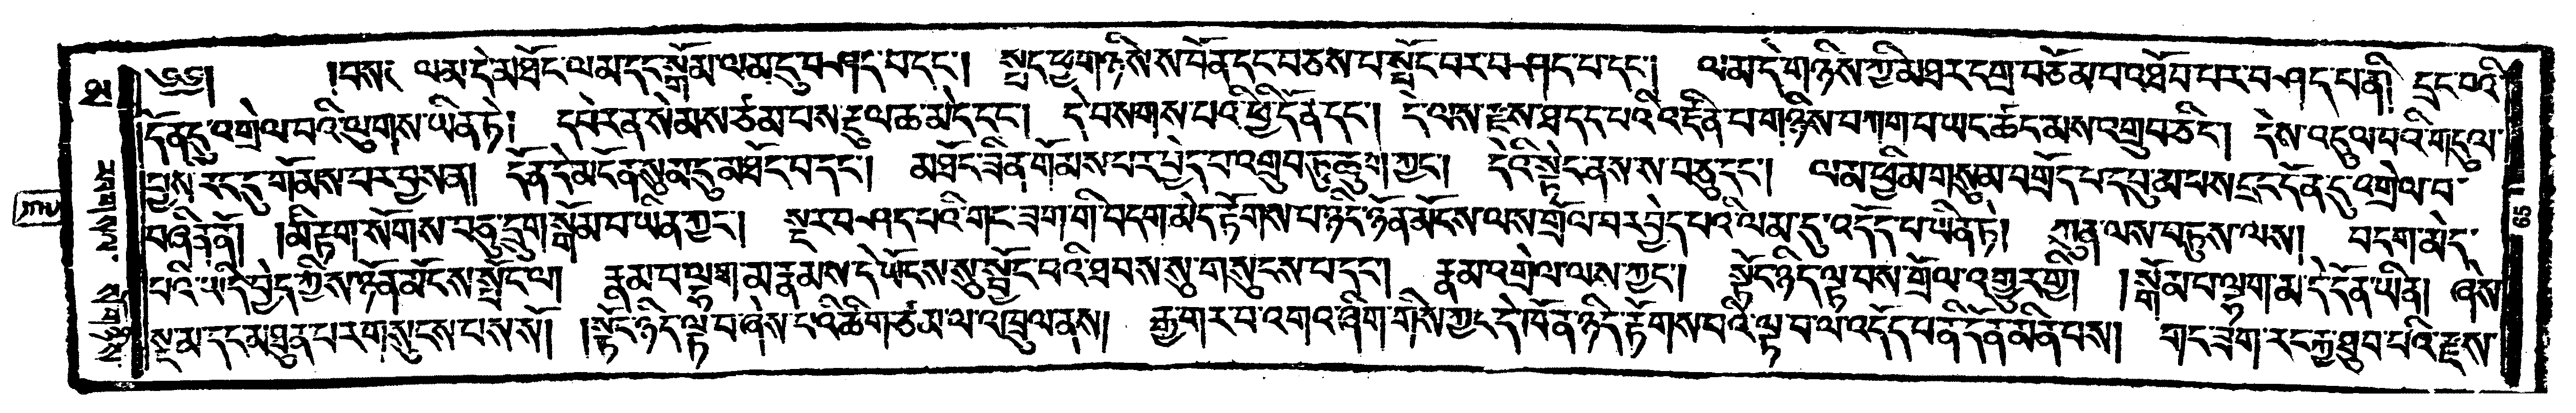༄༅། །པས༑ ལམ་དེ་མཐོང་ལམ་དང་སྒོམ་ལམ་དུ་བཤད་པ་དང་། སྤང་བྱ་གཉིས་ས་བོན་དང་བཅས་པ་སྤོང་བར་བཤད་པ་དང་། ལམ་དེ་གཉིས་ཀྱི་མཐར་དགྲ་བཅོམ་པ་འཐོབ་པར་བཤད་པ་ནི། དྲང་བའི་
དོན་དུ་འགྲེལ་བའི་ལུགས་ཡིན་ཏེ། དཔེར་ན་སེམས་ཙམ་པས་རྡུལ་ཆ་མེད་དང་། དེ་བསགས་པའི་ཕྱི་དོན་དང་། དེ་ལས་རྫས་ཐ་དད་པའི་འཛིན་པ་གཉིས་བཀག་པ་ཡང་ཚད་མས་འགྲུབ་ཅིང་། དེས་འདུལ་བའི་གདུལ་
བྱས་རིང་དུ་གོམས་པར་བྱས་ན། དོན་དེ་མངོན་སུམ་དུ་མཐོང་བ་དང་། མཐོང་ཟིན་གོམས་པར་བྱེད་པ་འགྲུབ་ཏུ་ཆུག་ཀྱང་། དེའི་སྟེང་ནས་ས་བཅུ་དང་། ལམ་ཕྱི་མ་གསུམ་བགྲོད་པ་དབུ་མ་པས་དྲང་དོན་དུ་འགྲེལ་བ་
བཞིན་ནོ། །མི་རྟག་སོགས་བཅུ་དྲུག་སྒོམ་པ་ཡིན་ཀྱང་། སྔར་བཤད་པའི་གང་ཟག་གི་བདག་མེད་རྟོགས་པ་ཉིད་ཉོན་མོངས་ལས་གྲོལ་བར་བྱེད་པའི་ལམ་དུ་འདོད་པ་ཡིན་ཏེ། ཀུན་ལས་བཏུས་ལས། བདག་མེད་
པའི་ཡིད་བྱེད་ཀྱིས་ཉོན་མོངས་སྤོང་ལ། རྣམ་པ་ལྷག་མ་རྣམས་དེ་ཡོངས་སུ་སྦྱོང་བའི་ཐབས་སུ་གསུངས་པ་དང་། རྣམ་འགྲེལ་ལས་ཀྱང་། སྟོང་ཉིད་ལྟ་བས་གྲོལ་འགྱུར་གྱི། །སྒོམ་པ་ལྷག་མ་དེ་དོན་ཡིན། །ཞེས་
སྔ་མ་དང་མཐུན་པར་གསུངས་པས་སོ། །སྟོང་ཉིད་ལྟ་བ་ཞེས་པའི་ཚིག་ཙམ་ལ་འཁྲུལ་ནས། རྒྱ་གར་བ་འགའ་ཞིག་གིས་ཀྱང་དེ་ཁོ་ན་ཉིད་རྟོགས་པའི་ལྟ་བ་ལ་འདོད་པ་ནི་དོན་མིན་པས། གང་ཟག་རང་རྐྱ་ཐུབ་པའི་རྫས་